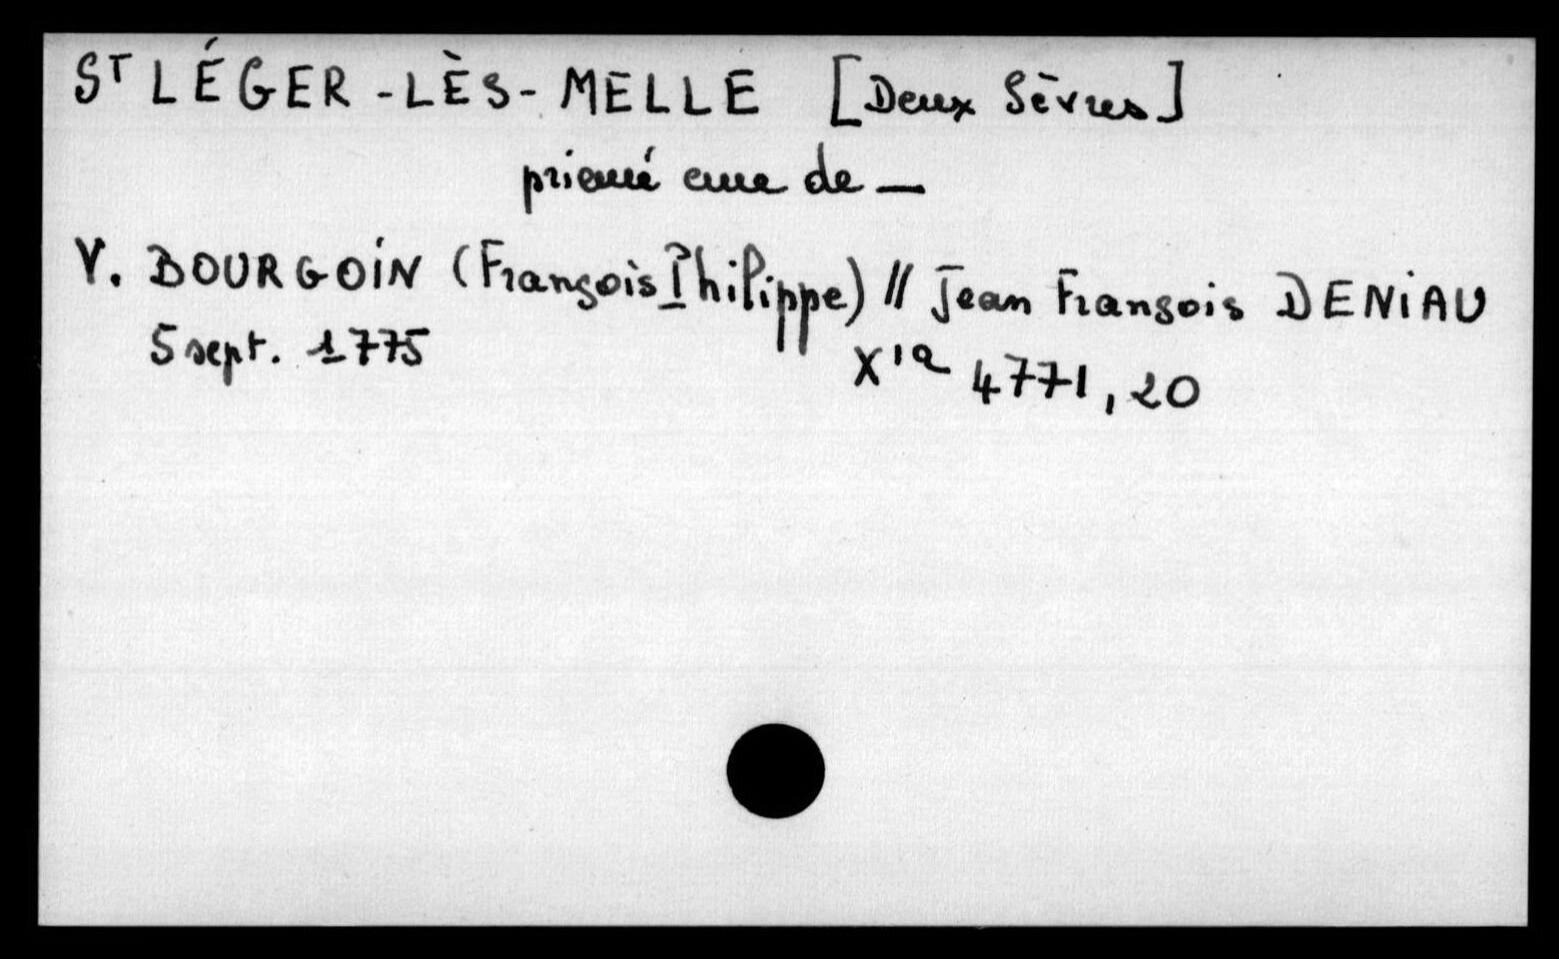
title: SAINT LÉGER-LÉS-MELLE [Deux Sèvres] prieuré curé de
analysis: Vontre BOURGOIN (François Philippe) Jean François DENIAU
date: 5 septembre 1775
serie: X1a
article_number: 4771
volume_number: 20
